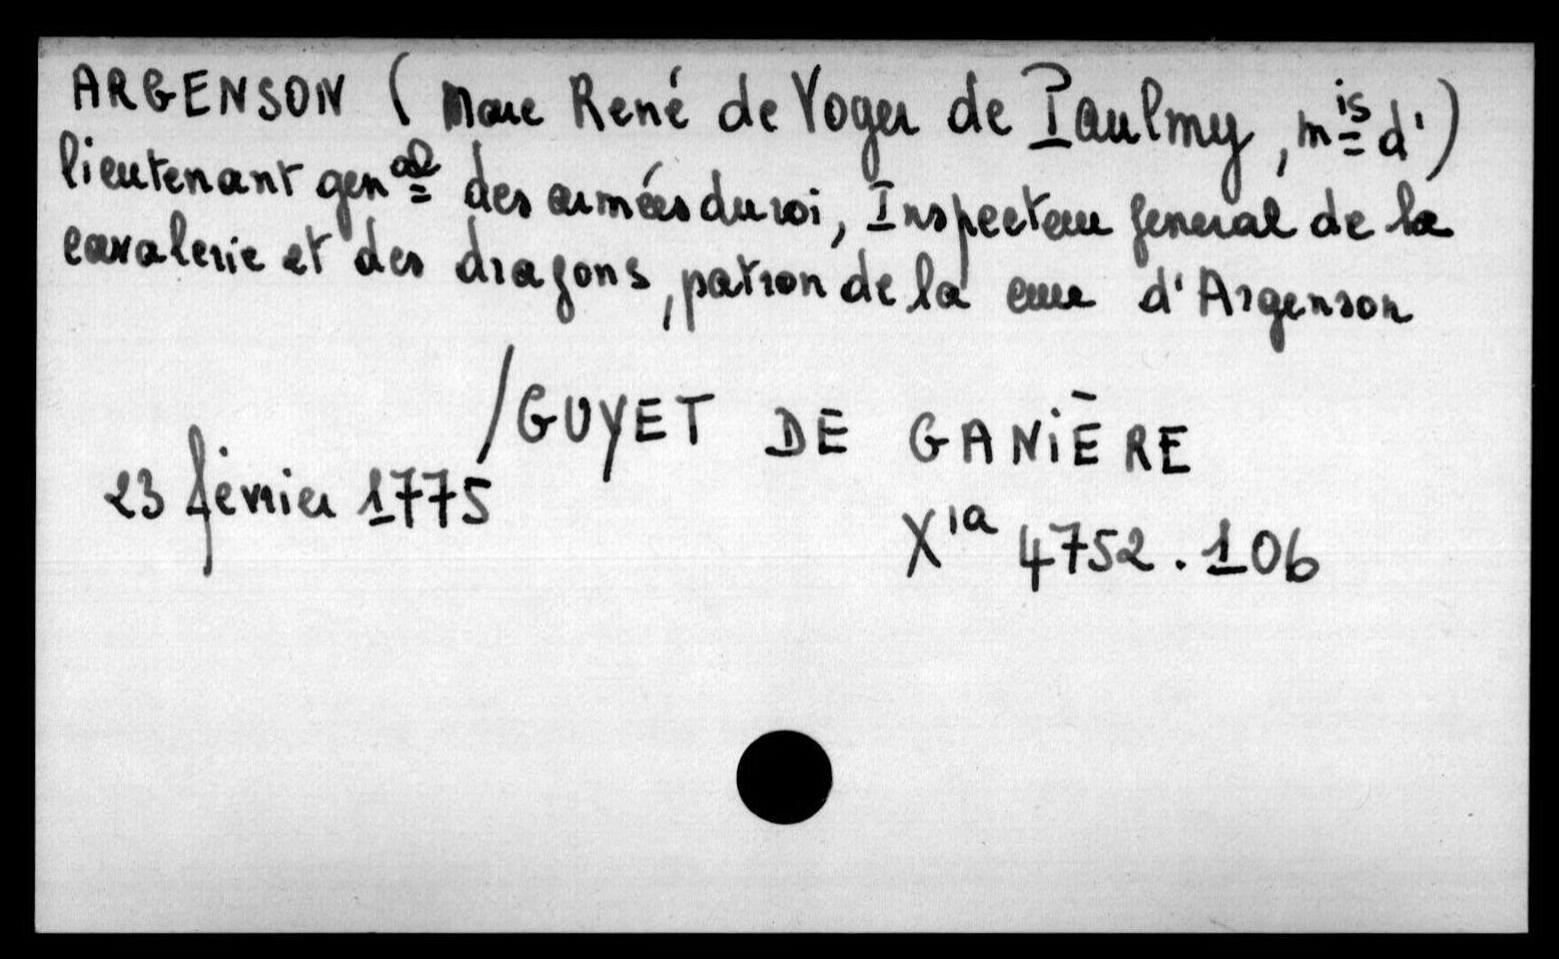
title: ARGENSON (Mare René de Voger de Paulmy, marquis d') lieutenant général des armées du roi, Inspecteur général de la Cavalerie et des dragons, patron de la cure d'Argenson
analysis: Contre GUYET DE GANIÉRE
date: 23 février 1775
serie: X1a
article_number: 4752
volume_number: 106
